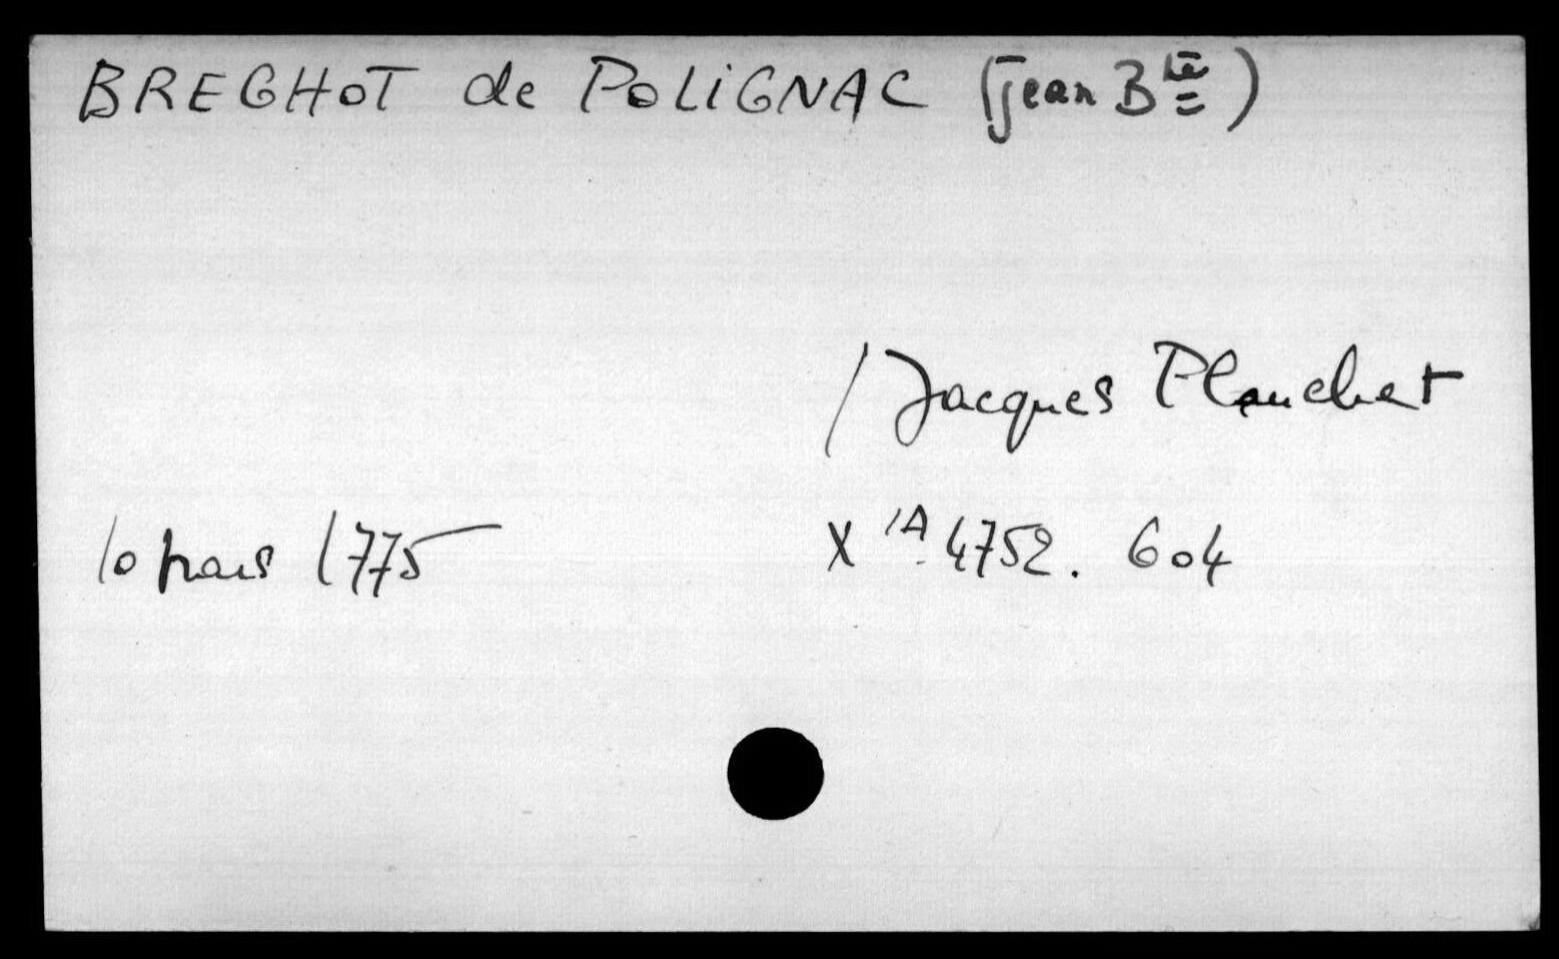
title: BREGHOT de POLIGNAC (Jean Baptiste)
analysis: Contre Jacques Planchet
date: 10 mars 1775
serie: X1A
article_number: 4752
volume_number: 604
